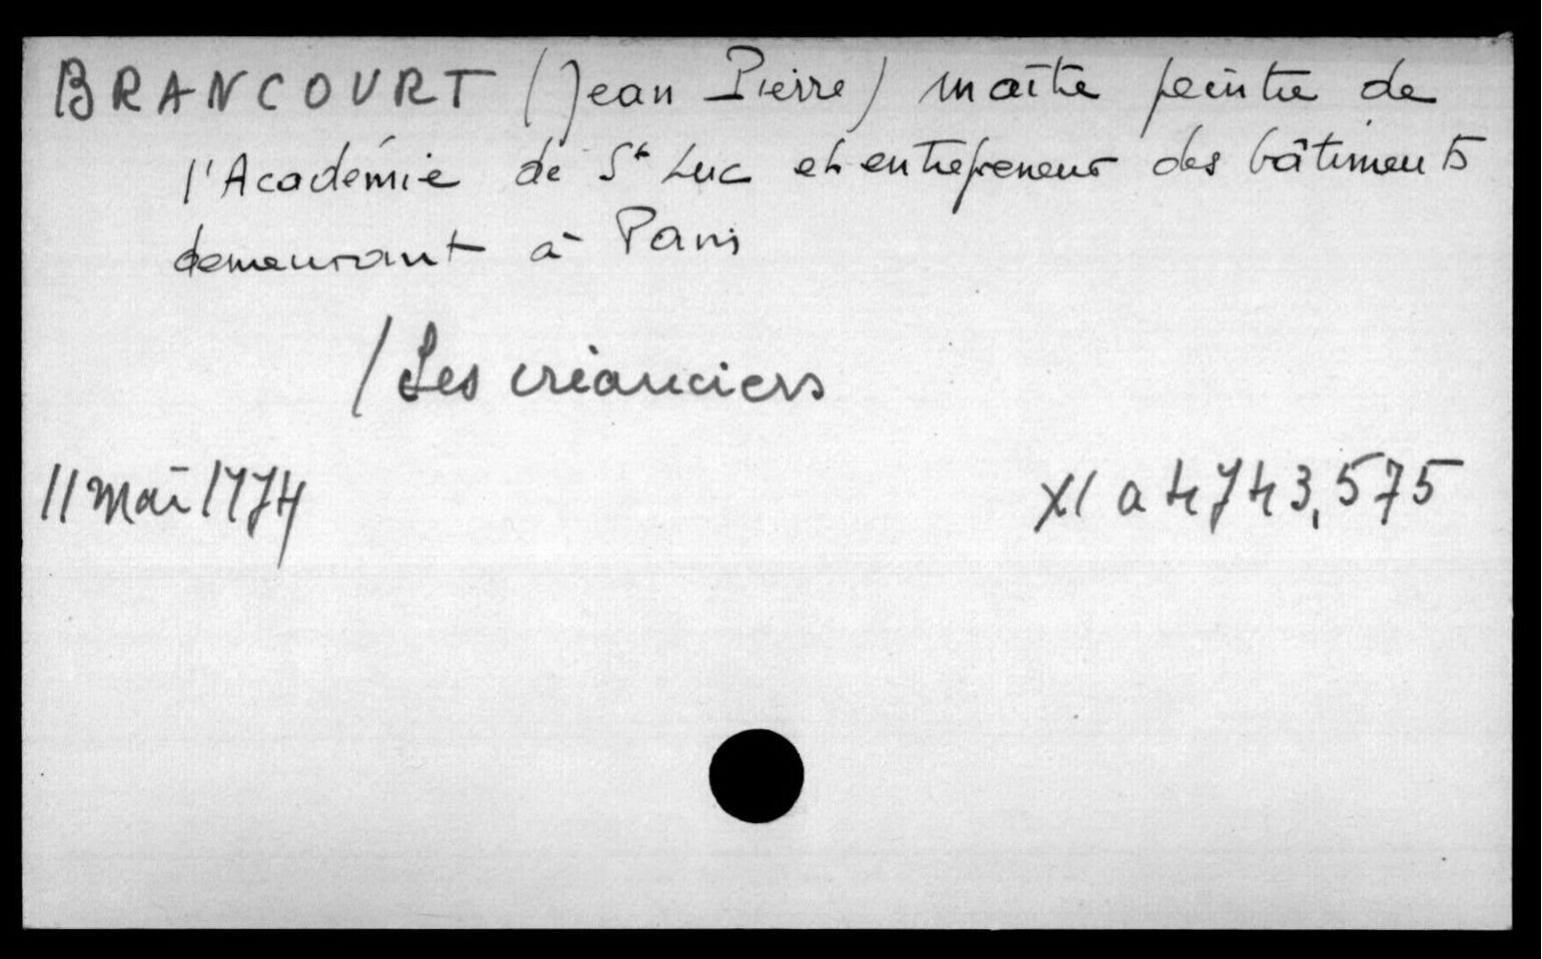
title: BRANCOURT (Jean Pierre), maître peintre de l'Académie de Saint-Luc et entrepeneur des bâtiments demeurant à Paris
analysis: Contre les rréanciers
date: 11 mai 1774
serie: X1a
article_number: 4743
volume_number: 575
